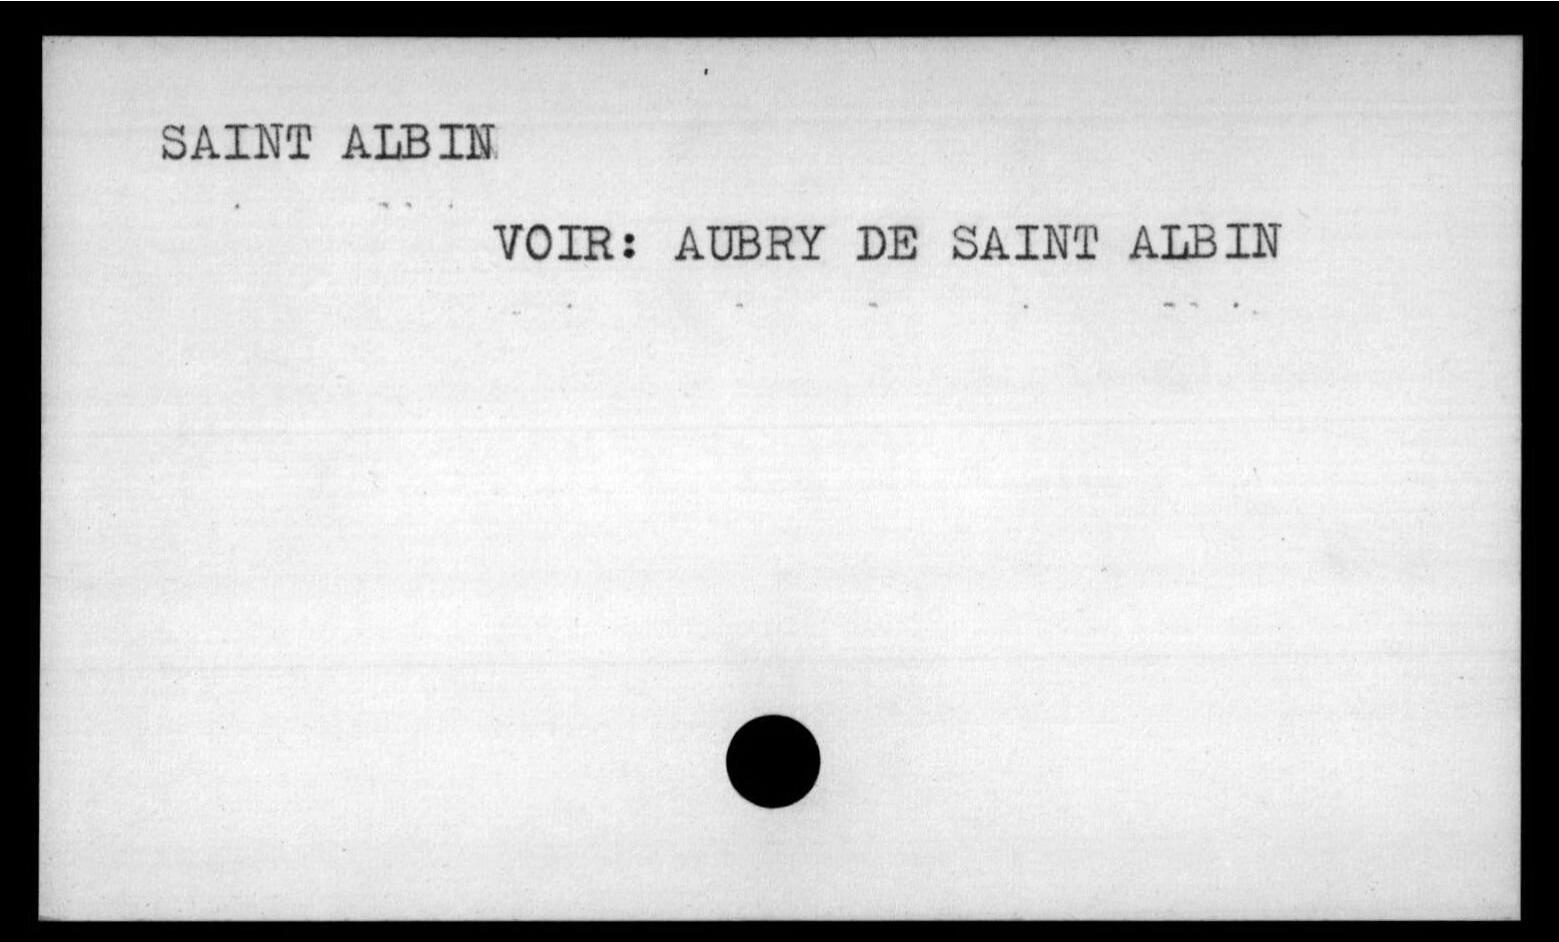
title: SAINT ALBIN
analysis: VOIR : AUBRY DE SAINT ALBIN
